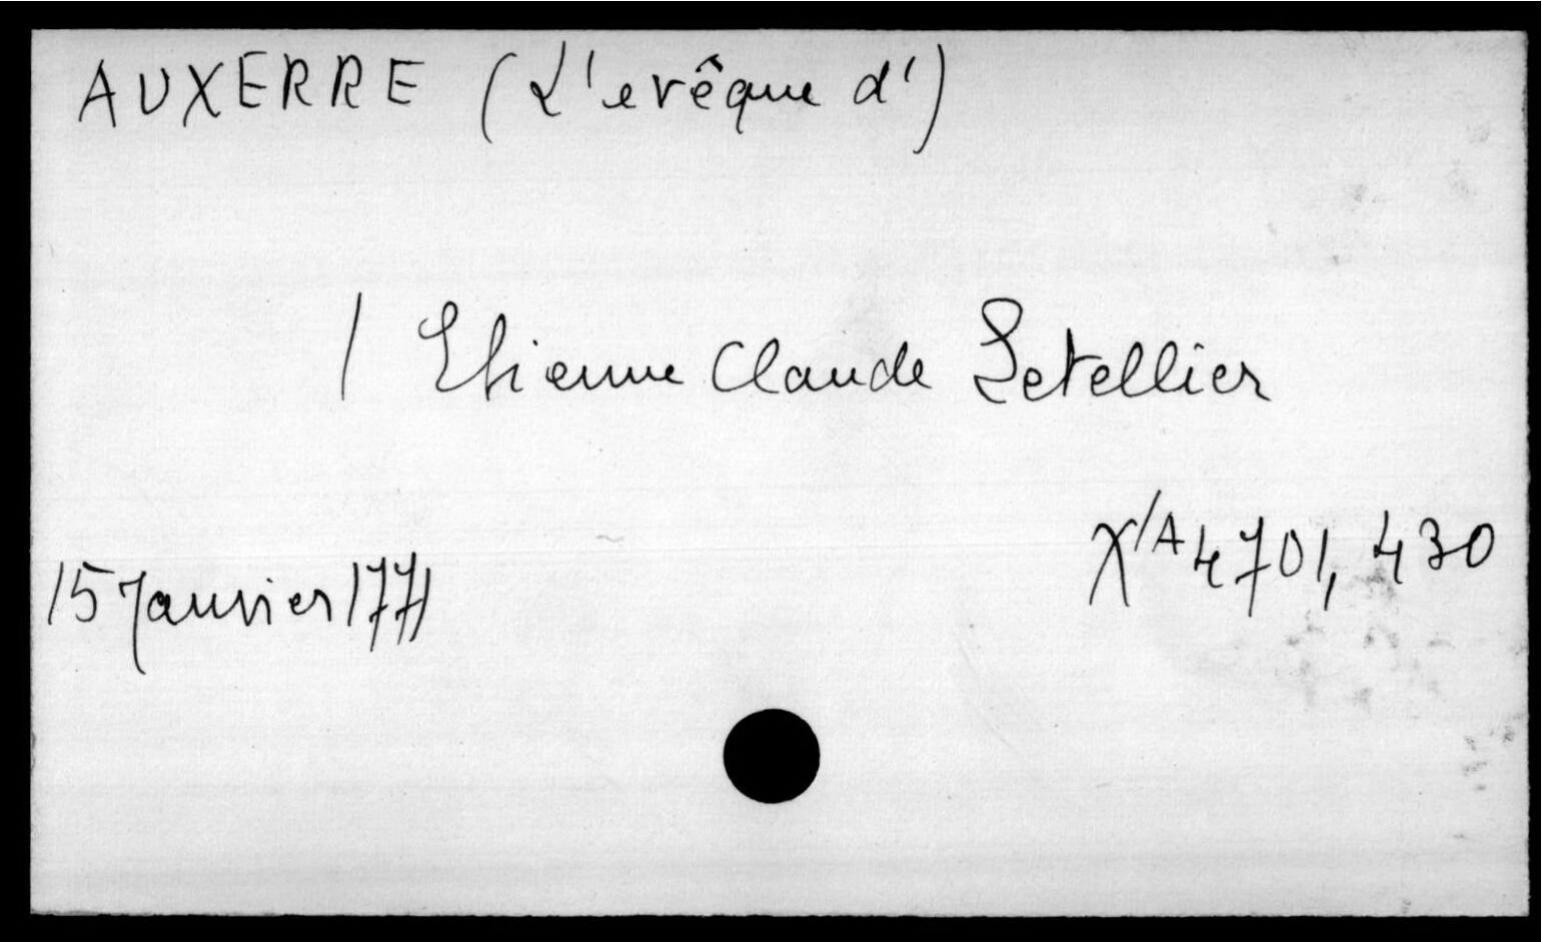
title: AUXERRE (l'evêque d')
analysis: Contre Étienne Claude Letellier
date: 15 janvier 1771
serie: X1A
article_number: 4701
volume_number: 430
